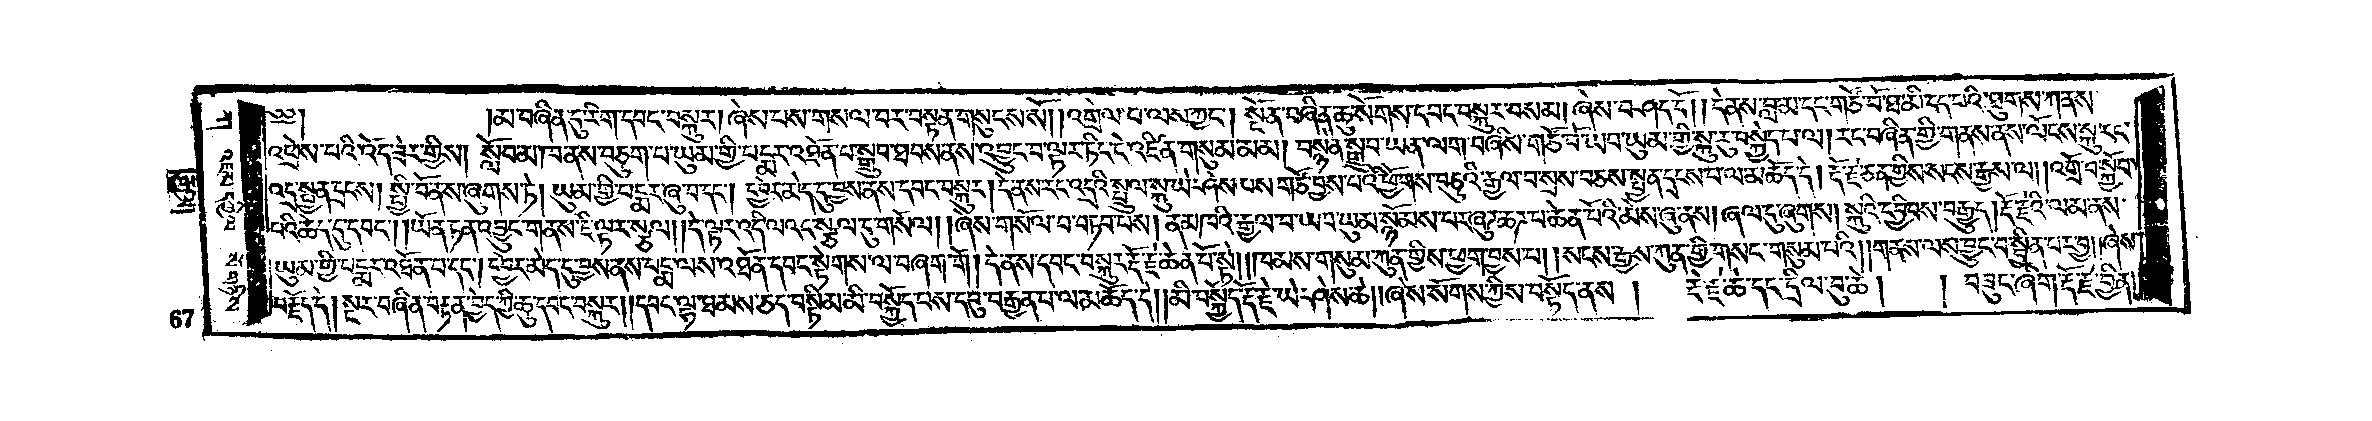༄༅། །མ་བཞིན་དུ་རིག་དབང་བསྐུར། ཞེས་པས་གསལ་བར་བསྟན་གསུངས་སོ། །འགྲེལ་པ་ལས་ཀྱང་། སྔོན་བཞིན་ཆུ་སོགས་དབང་བསྐུར་བསམ། ཞེས་བཤད་དོ། །དེ་ནས་བླ་མ་དང་གཙོ་བོ་ཐ་མི་དད་པའི་ཐུགས་ཀ་ནས་
འཕྲོས་པའི་འོད་ཟེར་གྱིས། སློབ་མ་ཁ་ནས་བཅུག་པ་ཡུམ་གྱི་པདམར་འཐོན་པ་སྒྲུབ་ཐབས་ནས་འབྱུང་བ་ལྟར་ཏིང་ངེ་འཛིན་གསུམ་མམ། བསྙེན་སྒྲུབ་ཡན་ལག་བཞིས་གཙོ་བོ་ཡབ་ཡུམ་གྱི་སྐུ་རུ་བསྐྱེད་པ་ལ། རང་བཞིན་གྱི་གནས་ནས་ལོངས་སྐུ་རང་
འདྲ་སྤྱན་དྲངས། སྤྱི་བོ་ནས་ཞུགས་ཏེ། ཡུམ་གྱི་པདམར་ཞུ་བ་དང་། དབྱེར་མེད་དུ་བྱས་ནས་དབང་བསྐུར། དེ་ནས་རང་འདྲའི་སྤྲུལ་སྐུ་ཡེ་ཤེས་པས་གཙོ་བྱས་པའི་ཕྱོགས་བཅུའི་རྒྱལ་བ་སྲས་བཅས་སྤྱན་དྲངས་པ་ལ་མཆོད་དེ། རྡོ་རྗེ་ཅན་གྱིས་སངས་རྒྱས་ལ། །འགྲོ་བ་སྐྱོབ་
པའི་ཆེད་དུ་དབང་། །ཡོན་ཏན་འབྱུང་གནས་ཇི་ལྟར་སྩལ། །དེ་ལྟར་འདི་ལའང་སྩལ་དུ་གསོལ། །ཞེས་གསོལ་བ་བཏབ་པས། ནམ་མཁའི་རྒྱལ་བ་ཡབ་ཡུམ་སྙོམས་པར་ཞུགས་ཆགས་པ་ཆེན་པོའི་མེས་ཞུ་ནས། ཞལ་དུ་ཞུགས། སྐུའི་དབྱིབས་བརྒྱུད། རྡོ་རྗེའི་ལམ་ནས་
ཡུམ་གྱི་པདམར་འཐོན་པ་དང་། དབྱེར་མེད་དུ་བྱས་ནས་པདམ་ལས་འཐོན་དབང་སྟེགས་ལ་བཞག་གོ །དེ་ནས་དབང་བསྐུར་རྡོ་རྗེ་ཆེན་པོ་སྟེ། །ཁམས་གསུམ་ཀུན་གྱིས་ཕྱག་བྱས་པ། །སངས་རྒྱས་ཀུན་གྱི་གསང་གསུམ་པའི། །གནས་ལས་བྱུང་བ་སྦྱིན་པར་བྱ། །ཞེས་
བརྗོད་དེ། སྔར་བཞིན་བརྟན་བྱེད་ཀྱི་ཆུ་དབང་བསྐུར། །དབང་ལྷ་ཐམས་ཅད་བསྟིམ་མི་བསྐྱོད་པས་དབུ་བརྒྱན་པ་ལ་མཆོད་དེ། །མི་བསྐྱོད་རྡོ་རྗེ་ཡེ་ཤེས་ཆེ། །ཞེས་སོགས་ཀྱིས་བསྟོད་ནས། རྡོ་རྗེ་ཆེ་དང་དྲི་བ་བུ་ཆེ། །བཟུང་ཞིག་རྡོ་རྗེ་བྱིན།